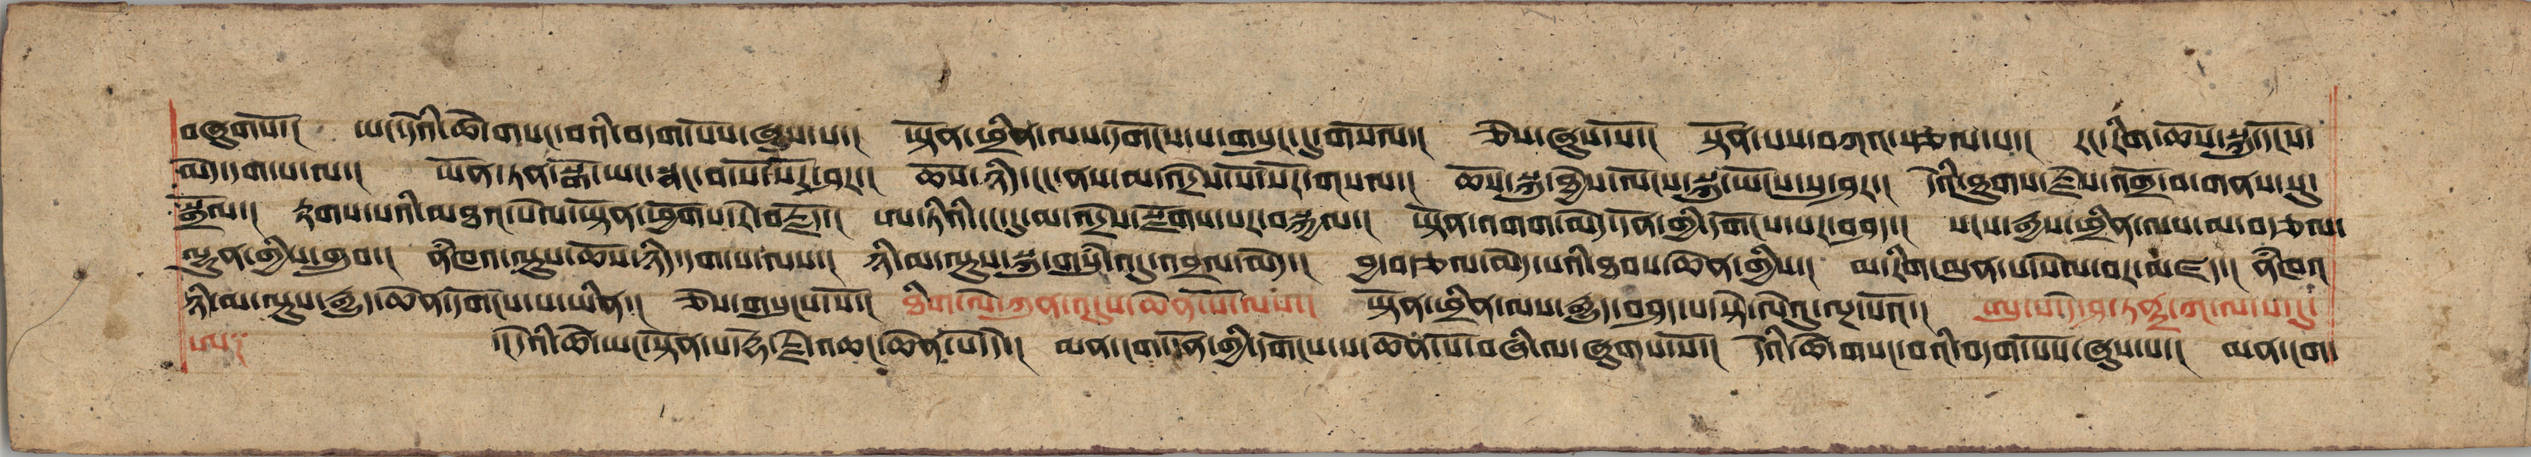བཞུགསོ་། ཡང་དེའི་ཚེ་གསང་བའི་བདག་པོས་ཞུས་པ་། ཡྟོན་ཕྲིན་ལས་དགོངས་པ་གསུང་དུ་གསོལ་། ཅེས་ཞུས་སོ་། སྟོན་པས་བཀའ་སྩལ་པ་། རང་རིག་ཆོས་སྐུ་དངོས་
མེད་དག་པ་ལ་། ཡོན་ཏན་སྒོ་ཡང་སྣང་བ་སོ་སོར་ཤར་། ཆོས་ཉིད་ངང་ནས་མ་འདྲེས་སོ་སོར་གསལ་། ཆོས་སྐུ་ཐྱེས་ལོངས་སྐུ་ཡོངས་སུ་ཤར་། དེའི་ཐུགས་རྗེས་འགྲོ་བ་གནས་སུ་
སྒྲོལ་། རྟགས་པའི་མཐའ་སེལ་ཡྟོན་ཕྱོགས་རེ་བརྗོད་། ཨ་ཏིའི་ངང་དུ་མ་འདྲེས་སྫོགས་པར་བསྐྱལ་། ཡྟོན་འགག་མེད་དོན་གྱི་དགོངས་པར་བཤད་། སངས་རྒྱས་ཕྲིན་ལས་མ་བརྩལ་
ལྷུན་གྱིས་གྲུབ་། ནཾཁའ་ལྟུས་ཆོས་ཉིད་དག་པ་ལས་། ཉི་མ་ལྟུས་སྐུ་གསུཾ་འདུ་འབྲལ་མེད། བྱ་བརྩལ་མེད་པའི་ཐབས་ཆེན་གྱིས་། མ་རིག་མུན་པ་སེལ་བར་མཛད་། ནཾཁའ་
ཉི་མ་ལྟུས་རྒྱུད་ཆེན་དགོངས་པ་ཡིན་། ཅེས་གསུངས་སོ་། ཐིག་ལེ་ཀུན་འདུས་ཆེན་པོ་ལས་། ཡྟོན་ཕྲིན་ལས་རྒྱུད་བཤད་པ་སྟེ་ལེའུ་ལྔ་པའོ་། ཨུ་པ་དེ་ཤ་ཏནྟྲ་ཀ་ལ་པ་དུ་
ཨ༑ ་།དེའི་ཚེ་ཡང་སྟོན་པ་རྡོ་རྗེ་འཆང་ཆེན་པོ་དེ་། མན་ངག་དོན་གྱི་དགོངས་པ་ཆེན་པོ་བཞི་ལ་ཞུགས་སོ་། དེའི་ཚེ་གསང་བའི་བདག་པོས་ཞུས་སོ་། མན་ངག་